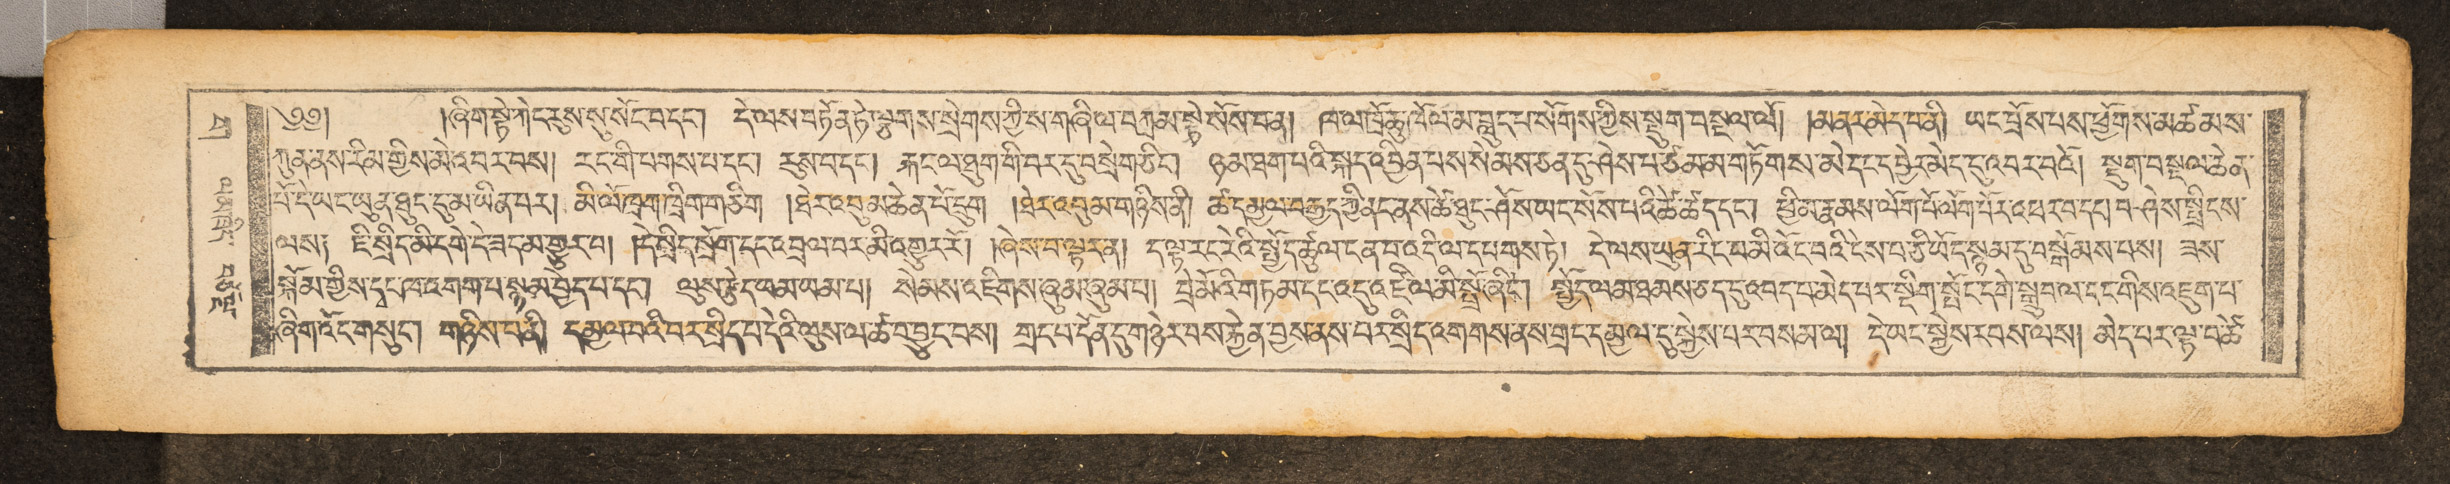༄༅། །ཞིག་སྟེ་ཀེང་རུས་སུ་སོང་བ་དང་། དེ་ལས་བཏོན་ཏེ་ལྕགས་སྲེགས་ཀྱི་ས་གཞིལ་བཀྲམ་སྟེ་སོས་བ་ན། ཁ་ལ་ཁྲོ་ཆུ་ཁོལ་མ་བླུད་པ་སོགས་ཀྱིས་སྡུག་བསྔལ་ལོ། །མནར་མེད་པ་ནི། ཡང་བྲོས་པས་ཕྱོགས་མཚམས་
ཀུན་ནས་རིམ་གྱིས་མེ་འབར་བས། རང་གི་པགས་པ་དང་། རུས་པ་དང་། རྐང་ལ་ཐུག་གི་བར་དུ་བསྲེག་ཅིང་། ཉམ་ཐག་པའི་སྐད་འབྱིན་པས་སེམས་ཅན་དུ་ཤེས་པ་ཙམ་མ་གཏོགས་མེ་དང་དབྱེར་མེད་དུ་འབར་བའོ། སྡུག་བསྔལ་ཆེན་
པོ་དེ་ཡང་ཡུན་ཐུང་དུ་མ་ཡིན་པར། མི་ལོ་ཁྲག་ཁྲིག་གཅིག །ཐེར་འབུམ་ཆེན་པོ་དྲུག །ཐེར་འབུམ་གཉིས་ནི། ཚ་དམྱལ་བརྒྱད་ཀྱི་ནང་ནས་ཚེ་ཐུང་ཤོས་ཡང་སོས་པའི་ཚེ་ཚད་དང་། ཕྱི་མ་རྣམས་ལོག་པོ་ལོག་པོར་འཕར་བ་དང་། བཤེས་སྦྲིངས་
ལས༑ ཇི་སྲིད་མི་དགེ་དེ་ཟད་མ་གྱུར་བ། །དེ་སྲིད་སྲོག་དང་འབྲལ་བར་མི་འགྱུར་རོ། །ཞེས་པ་ལྟར་ན། ད་ལྟར་རང་རེའི་སྤྱོད་ཚུལ་ངན་པ་འདི་ལ་དཔགས་ཏེ། དེ་ལས་ཡུན་རིང་པ་མི་འོང་བའི་ངེས་པ་ཅི་ཡོད་སྙམ་དུ་བསྒོམས་པས། ཟས་
སྐོམ་ཀྱིས་དང་ཁ་འགག་པ་སྙམ་བྱེད་པ་དང་། ལུས་རྩེད་ཡམ་ཡམ་པ། སེམས་འཇིགས་ཞུམ་ཞུམ་པ། བྲེ་མོའི་གཏམ་དང་འདུ་འཛི་ལ་མི་སྤྲོ་ཞིང་། སྤྱོད་ལམ་ཐམས་ཅད་དུ་འབད་པ་མེད་པར་སྡིག་སྤོང་དགེ་སྒྲུབ་ལ་དང་གིས་འཇུག་པ་
ཞིག་འོང་གསུང་། གཉིས་པ་ནི། དམྱལ་བའི་བར་སྲིད་པ་དེའི་ལུས་ལ་ཚ་བ་བྱུང་བས། གྲང་བ་དོན་དུ་གཉེར་བས་རྐྱེན་བྱས་ནས་བར་སྲིད་འགགས་ནས་གྲང་དམྱལ་དུ་སྐྱེས་པར་བསམ་ལ། དེ་ཡང་སྐྱེས་རབས་ལས། མེད་པར་ལྟ་བ་ཚེ་